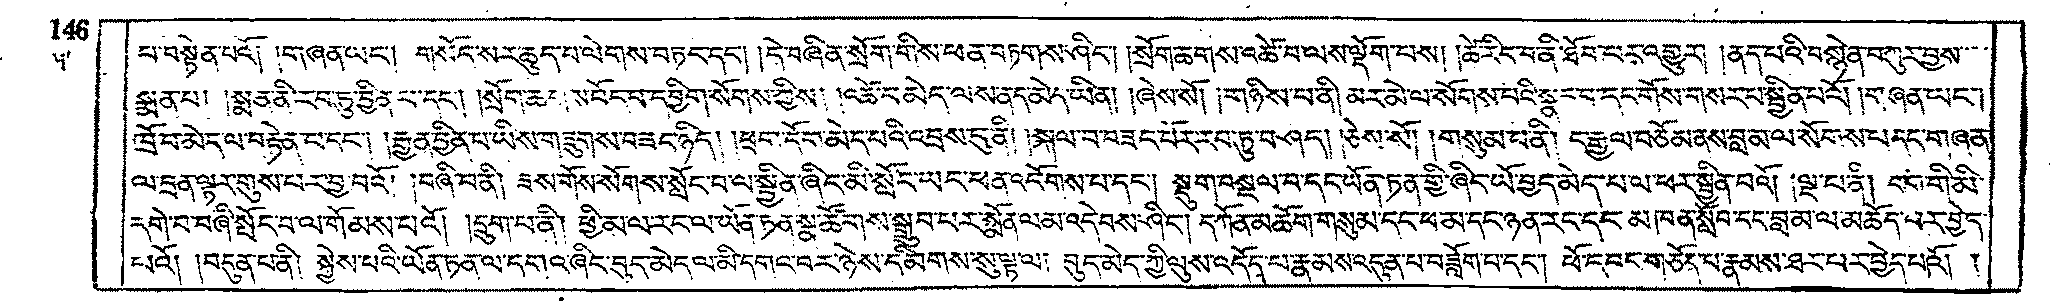པ་བསྟེན་པའོ། །གཞན་ཡང་། གསོད་སར་ཆུད་པ་ལེགས་བཏང་དང་། །དེ་བཞིན་སྲོག་གིས་ཕན་བཏགས་ཤིང་། །སྲོག་ཆགས་འཚེ་བ་ལས་ལྡོག་པས། །ཚེ་རིང་བ་ནི་ཐོབ་པར་འགྱུར། །ནད་པའི་བསྙེན་བཀུར་བྱས་
སྨན་པ། །སྨན་ནི་རབ་ཏུ་བྱིན་པ་དང་། །སྲོག་ཆགས་བོང་བ་དབྱིག་སོགས་ཀྱིས། །འཚེ་བ་མེད་ལས་ནད་མེད་ཡིན། །ཞེས་སོ། །གཉིས་པ་ནི། མར་མེ་ལ་སོགས་པའི་སྣང་བ་དང་གོས་གསར་པ་སྦྱིན་པའོ། །གཞན་ཡང་།
ཁྲོ་བ་མེད་ལ་བརྟེན་པ་དང་། །རྒྱན་བྱིན་པ་ཡིས་གཟུགས་བཟང་ཉིད། །ཕྲག་དོག་མེད་པའི་འབྲས་བུ་ནི། །སྐལ་བ་བཟང་པོར་རབ་ཏུ་བཤད། །ཅེས་སོ། །གསུམ་པ་ནི། ང་རྒྱལ་བཅོམ་ནས་བླ་མ་ལ་སོགས་པ་དང་གཞན་
ལ་བྲན་ལྟར་གུས་པར་བྱ་བའོ། །བཞི་པ་ནི། ཟས་གོས་སོགས་སློང་བ་ལ་སྦྱིན་ཞིང་མི་སློང་ཡང་ཕན་འདོགས་པ་དང་། སྡུག་བསྔལ་བ་དང་ཡོན་ཏན་གྱི་ཞིང་ཡོ་བྱད་མེད་པ་ལ་ཕར་སྦྱིན་པའོ། །ལྔ་པ་ནི། ངག་གི་མི་
དགེ་བ་བཞི་སྤོང་བ་ལ་གོམས་པའོ། །དྲུག་པ་ནི། ཕྱི་མ་ལ་རང་ལ་ཡོན་ཏན་སྣ་ཚོགས་སྒྲུབ་པར་སྨོན་ལམ་འདེབས་ཤིང་། དཀོན་མཆོག་གསུམ་དང་ཕ་མ་དང་ཉན་རང་དང་མཁན་སློབ་དང་བླ་མ་ལ་མཆོད་པར་བྱེད་
པའོ། །བདུན་པ་ནི། སྐྱེས་པའི་ཡོན་ཏན་ལ་དགའ་ཞིང་བུད་མེད་ལ་མི་དགའ་བར་ཉེས་དམིགས་སུ་ལྟ་ལ། བུད་མེད་ཀྱི་ལུས་འདོད་པ་རྣམས་འདུན་པ་བཟློག་པ་དང་། ཕོད་བང་གཅོད་པ་རྣམས་ཐར་པར་བྱེད་པའོ། །